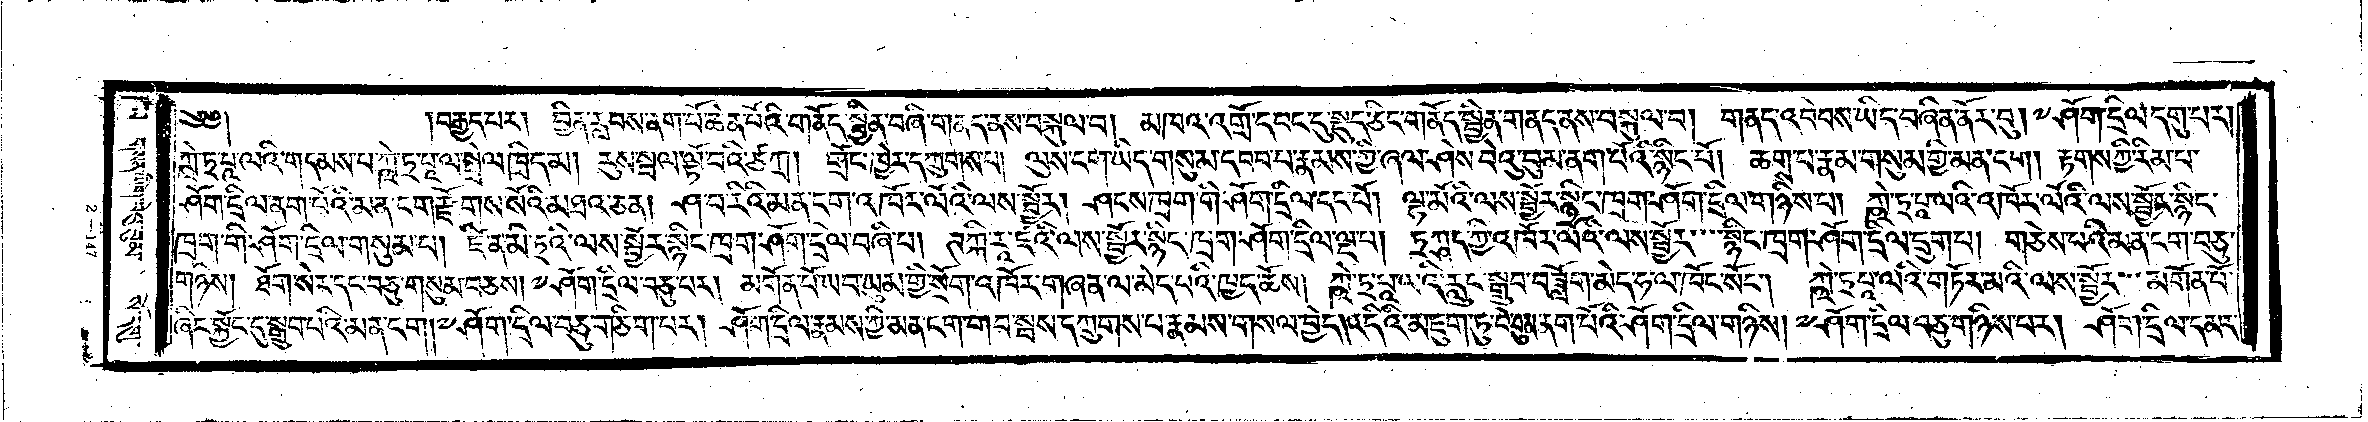༄༅། །བརྒྱད་པར། བྱིན་རླབས་ནག་པོ་ཆེན་པོའི་གནོད་སྦྱིན་བཞི་གནད་ནས་བསྐུལ་བ། མཁའ་འགྲོ་དབང་དུ་སྡུད་ཅིང་གནོད་སྦྱིན་གནད་ནས་བསྐུལ་བ། གནད་འབེབས་ཡིད་བཞིན་ནོར་བུ། ༧ཤོག་དྲིལ་དགུ་པར།
ཀྵེ་ཏྲ་པཱ་ལའི་གདམས་པ་ཀྵེ་ཏྲ་པཱ་ལ་སྤྲེལ་ཁྲིད་མ། རུས་སྦལ་ལྟོ་བའི་ཙ་ཀྲ། གྲོང་ཁྱེར་དཀྲུགས་པ། ལུས་ངག་ཡིད་གསུམ་དབབ་པ་རྣམས་ཀྱི་ཞལ་ཤེས་བེའུ་བུམ་ནག་པོའི་སྙིང་པོ། ཆགས་པ་རྣམས་གསུམ་གྱི་མན་ངག །རྟགས་ཀྱི་རིམ་པ་
ཤོག་དྲིལ་ནག་པོའི་མན་ངག་རྫོགས་སོའི་མཐའ་ཅན། ཤ་བ་རིའི་མན་ངག་འཁོར་ལོའི་ལས་སྦྱོར། ཤངས་ཁྲག་གི་ཤོག་དྲིལ་དང་པོ། ལྷ་མོའི་ལས་སྦྱོར་སྙིང་ཁྲག་ཤོག་དྲིལ་གཉིས་པ། ཀྵེ་ཏྲ་པཱ་ལའི་འཁོར་ལོའི་ལས་སྦྱོར་སྙིང་
ཁྲག་གི་ཤོག་དྲིལ་གསུམ་པ། ཛིན་མི་ཏྲའི་ལས་སྦྱོར་སྙིང་ཁྲག་ཤོག་དྲིལ་བཞི་པ། ཊཀྐི་རཱ་ཛའ་ལས་སྦྱོར་སྙིང་ཁྲག་ཤོག་དྲིལ་ལྔ་པ། ཏྲཀྴད་ཀྱི་འཁོར་ལོའི་ལས་སྦྱོར་སྙིང་ཁྲག་ཤོག་དྲིལ་དྲུག་པ། གཅེས་པའི་མན་ངག་བཅུ་
གཉིས། ཐོག་སེར་དང་བཅུ་གསུམ་བཅས། ༧ཤོག་དྲིལ་བཅུ་པར། མགོན་པོ་ཡབ་ཡུམ་གྱི་སྲོག་འཁོར་གཞན་ལ་མེད་པའི་ཁྱད་ཆོས། ཀྵེ་ཏྲ་པཱ་ཡའི་རླུང་སྒྲུབ་བཟློག་མེད་ཧ་ལ་ཁོང་སོང་། ཀྵེ་ཏྲ་པཱ་ལའི་གཏོར་མའི་ལས་སྦྱོར་མགོན་པོ་
ཞིང་སྐྱོང་དུ་སྒྲུབ་པའི་མན་ངག །༧ཤོག་དྲིལ་བཅུ་གཅིག་པར། ཤོག་དྲིལ་རྣམས་ཀྱི་མན་ངག་གབ་སྦས་དཀྲུགས་པ་རྣམས་གསལ་བྱེད། འདིའི་མཇུག་ཏུ་བེ་བུམ་ནག་པོའི་ཤོག་དྲིལ་གཉིས། ༧ཤོག་དྲིལ་བཅུ་གཉིས་པར། ཤོག་དྲིལ་དམར་